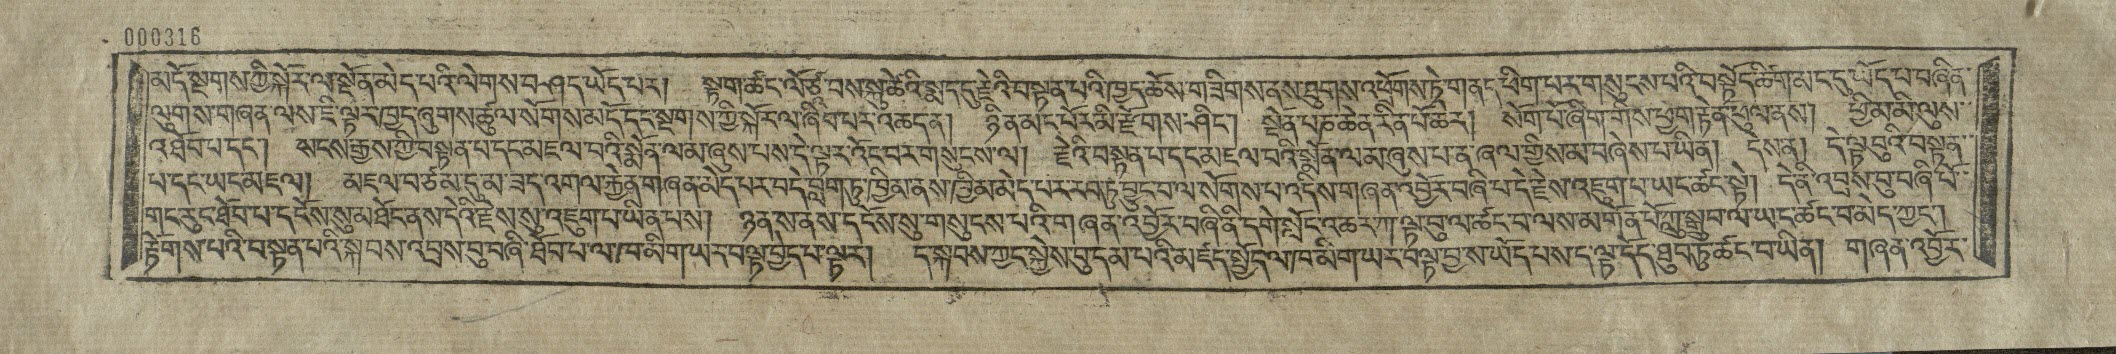མདོ་སྔགས་ཀྱི་སྐོར་ལ་སྔོན་མེད་པའི་ལེགས་བཤད་ཡོད་པར། སྟག་ཚང་ལོ་ཙཱ་བས་སྐུ་ཚེའི་སྨད་དུ་རྗེའི་བསྟན་པའི་ཁྱད་ཆོས་གཟིགས་ནས་ཐུགས་འཕྲོགས་ཏེ་གནད་ཕིག་པར་གསུངས་པའི་བསྟོད་ཚིག་མང་དུ་ཡོད་པ་བཞིན་
ལུགས་གཞན་ལས་ཇི་ལྟར་ཁྱད་ཞུགས་ཚུལ་སོགས་མདོ་དང་སྔགས་ཀྱི་སྐོར་ལ་ཞིབ་པར་འཆད་ན། ཉིན་མང་པོར་མི་རྫོགས་ཤིང་། སྔོན་པཎ་ཆེན་རིན་པོ་ཆེར། སོག་པོ་ཞིག་གིས་ཕྱག་རྟེན་ཕུལ་ནས། ཕྱི་མ་མི་ལུས་
འཐོབ་པ་དང་། སངས་རྒྱས་ཀྱི་བསྟན་པ་དང་མཇལ་བའི་སྨོན་ལམ་ཞུས་པས་དེ་ལྟར་འོང་བར་གསུངས་ལ། རྗེའི་བསྟན་པ་དང་མཇལ་བའི་སྨོན་ལམ་ཞུས་པ་ན་ཞལ་གྱིས་མ་བཞེས་པ་ཡིན། དེས་ན། དེ་ལྟ་བུའི་བསྟན་
པ་དང་ཡང་མཇལ། མཇལ་བ་ཙམ་དུ་མ་ཟད་འགལ་རྐྱེན་གཞན་མེད་པར་བདེ་བླག་ཏུ་ཁྱིམ་ནས་ཁྱིམ་མེད་པར་རབ་ཏུ་བྱུང་བ་ལ་སོགས་པ་འདིས་གཞན་འབྱོར་བཞི་པ་དེ་རྗེས་འཇུག་པ་ཡང་ཚང་སྟེ། དེ་ནི་འབྲས་བུ་བཞི་པོ་
གང་རུང་ཐོབ་པ་དངོས་སུ་མཐོང་ནས་དེའི་རྗེས་སུ་འཇུག་པ་ཡིན་པས། ཉན་ས་ནས་དངོས་སུ་གསུངས་པའི་གཞན་འབྱོར་བཞི་ནི་དགེ་སློང་འཆར་ཀ་ལྟ་བུ་ལ་ཚང་བ་ལས་མགོན་པོ་ཀླུ་སྒྲུབ་ལ་ཡང་ཚང་བ་མེད་ཀྱང་།
རྟོགས་པའི་བསྟན་པའི་སྐབས་འབྲས་བུ་བཞི་ཐོབ་པ་ལ་ཁ་མིག་ཡར་བལྟ་བྱེད་པ་ལྟར། ད་སྐབས་ཀྱང་སྐྱེས་བུ་དམ་པའི་མཛད་སྤྱོད་ལ་ཁ་མིག་ཡར་བལྟ་བྱ་ས་ཡོད་པས་ད་ལྟ་དོད་ཐུབ་ཏུ་ཚང་བ་ཡིན། གཞན་འབྱོར་